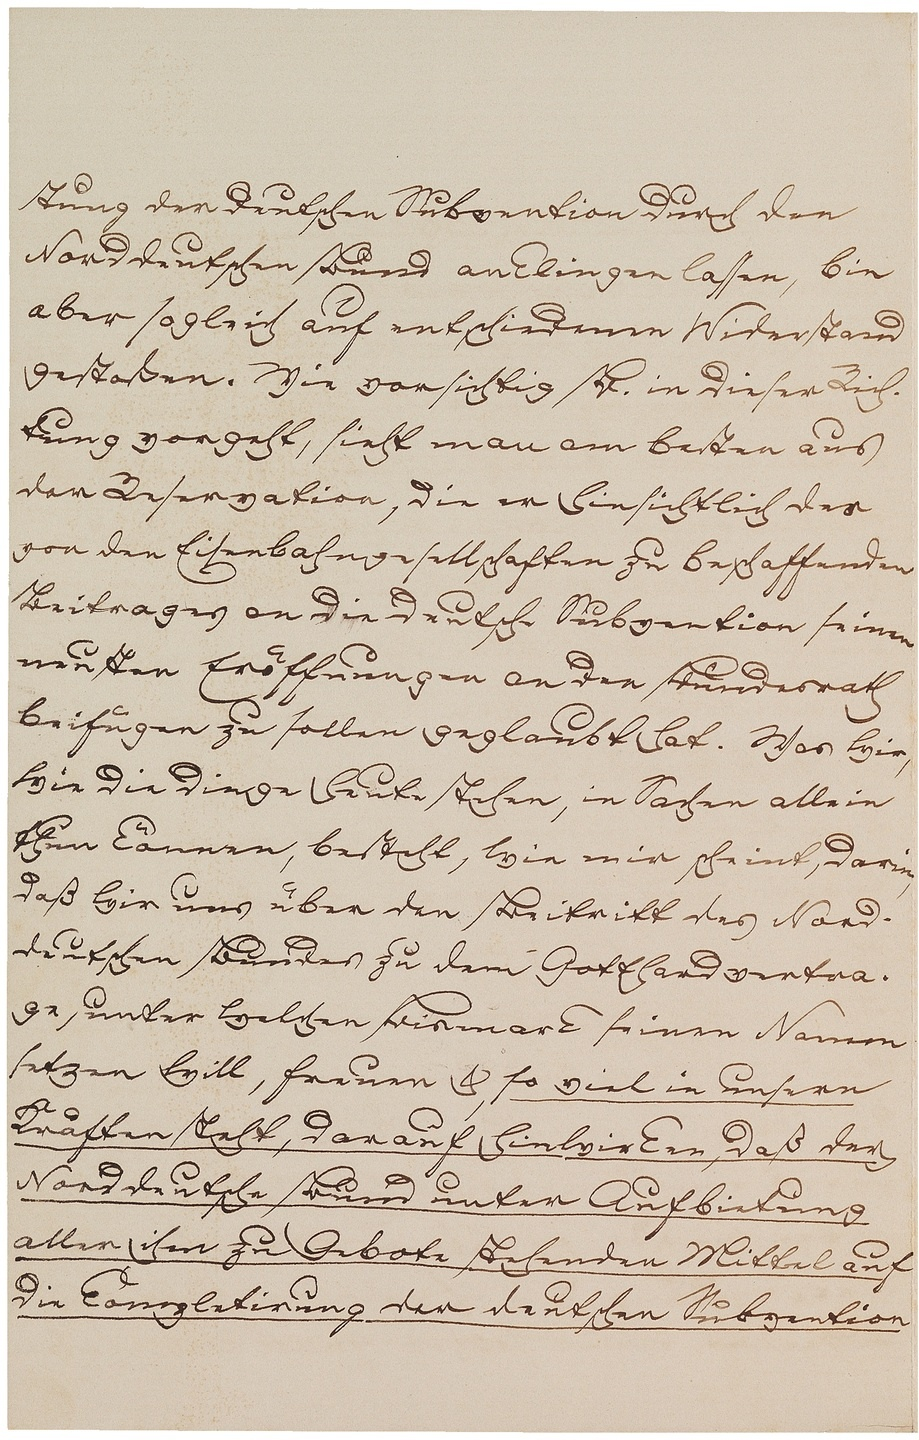stung der deutschen Subvention durch den
Norddeutschen Bund anklingen lassen, bin
aber sogleich auf entschiedenen Widerstand
gestoßen. Wie vorsichtig B. in dieser Rich-
tung vorgeht, sieht man am besten aus
der Reservation, die er hinsichtlich des
von den Eisenbahngesellschaften zu beschaffenden
Beitrages an die deutsche Subvention seinen
neusten Eröffnungen an den Bundesrath
beifügen zu sollen geglaubt hat. Was wir,
wie die Dinge heute stehen, in Sachen allein
thun können, besteht, wie mir scheint, darin,
daß wir uns über den Beitritt des Nord-
deutschen Bundes zu dem Gotthardvertra-
ge, unter welchen Bismark seinen Namen
setzen will, freuen &, so viel in unsern
Kräften steht, darauf hinwirken, daß der
Norddeutsche Bund unter Aufbietung
aller ihm zu Gebote stehenden Mittel auf
die Completirung der deutschen Subvention